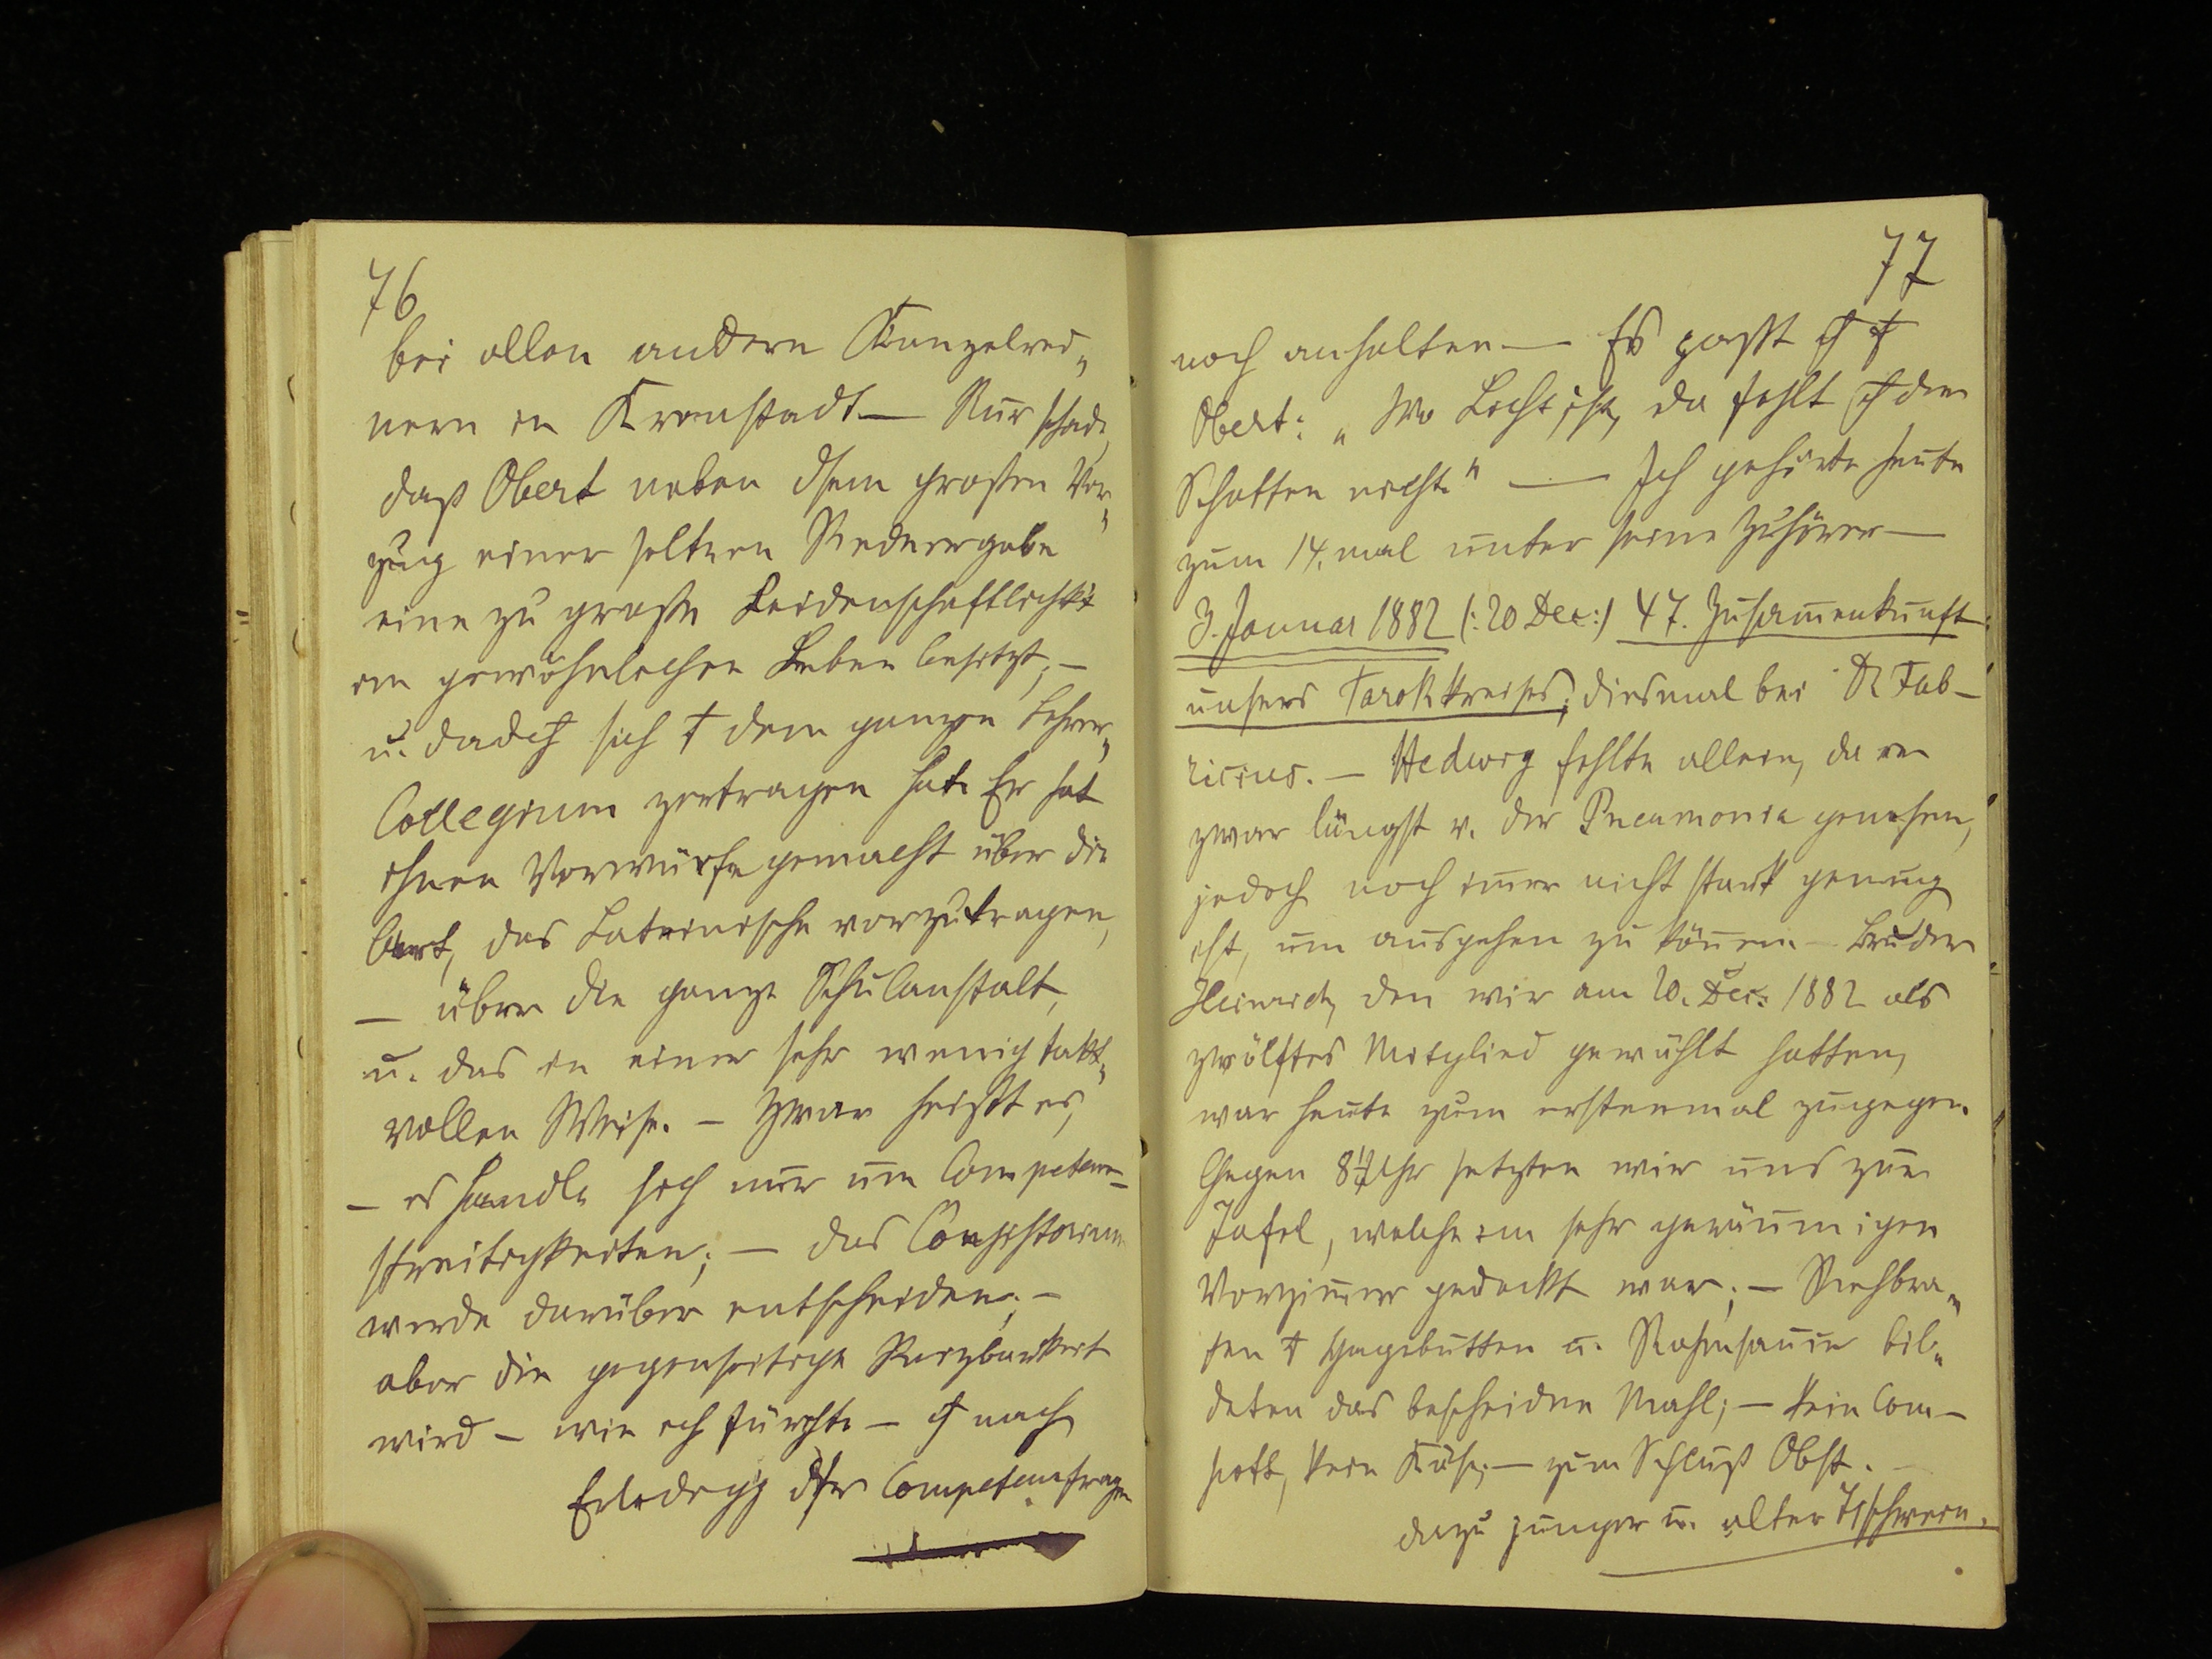76
bei allen anderen Kanzelred¬
nern in Kronstadt—Nur schade
das Obert neben dem großen Vor¬
zug einer seltenen Rednergabe
eine zu große Leidenschaftlichkeit
im gewöhnlichen Leben besitzt, -
und dadurch sich mit dem ganzen Lehrer
zertragen hat. Er hat
ihnen Vorwürfe gemacht über die
Art das Lateinische vorzutragen,
- über die ganze Schulanstalt ,
und das in einer sehr wenig takt¬
vollen Weise. - Zwar heißt es,
- es handle sich nur um Competenz¬
streitigkeiten, – das Consistorium
werde darüber entscheiden; -
aber die gegenseitige Reizbarkeit
wird - wie ich fürchte - auch nach
Erledigung der Competenzfragen
77
noch anhalten. - Es paßt auch auf
Obert: “ Wo Licht ist da fehlt auch der
Schatten nicht“.- Ich gehörte heute
zum 14. mal unter seine Zuhörer.—
3. Januar 1882 (20 Dez): 47. Zusammnekunft
unseres Tarokkreises. Diesmal bei Dr. Fab¬
ricius.- Hedwig fehlte allein, da er
zwar längst von der Pneumonie genesen,
jedoch noch immer nicht stark genug
ist, um ausgehen zu können.- Bruder
Heinrich den wir am 20.Dez. 1882 als
zwölftes Mitglied gewählt hatten,
war heute zum erstenmal zugegen.
Gegen 8 1/4 Uhr setzten wir uns zur
Tafel, welche im sehr geräumigen
Vorzimmer gedeckt war; - Rehbra¬
ten mit Hagebutten und Rahmsauce bil¬
deten das bescheidene Mahl; - kein Com¬
pott, kein Käse, - zum Schluss Obst,
dazu junger und alter Tischwein.